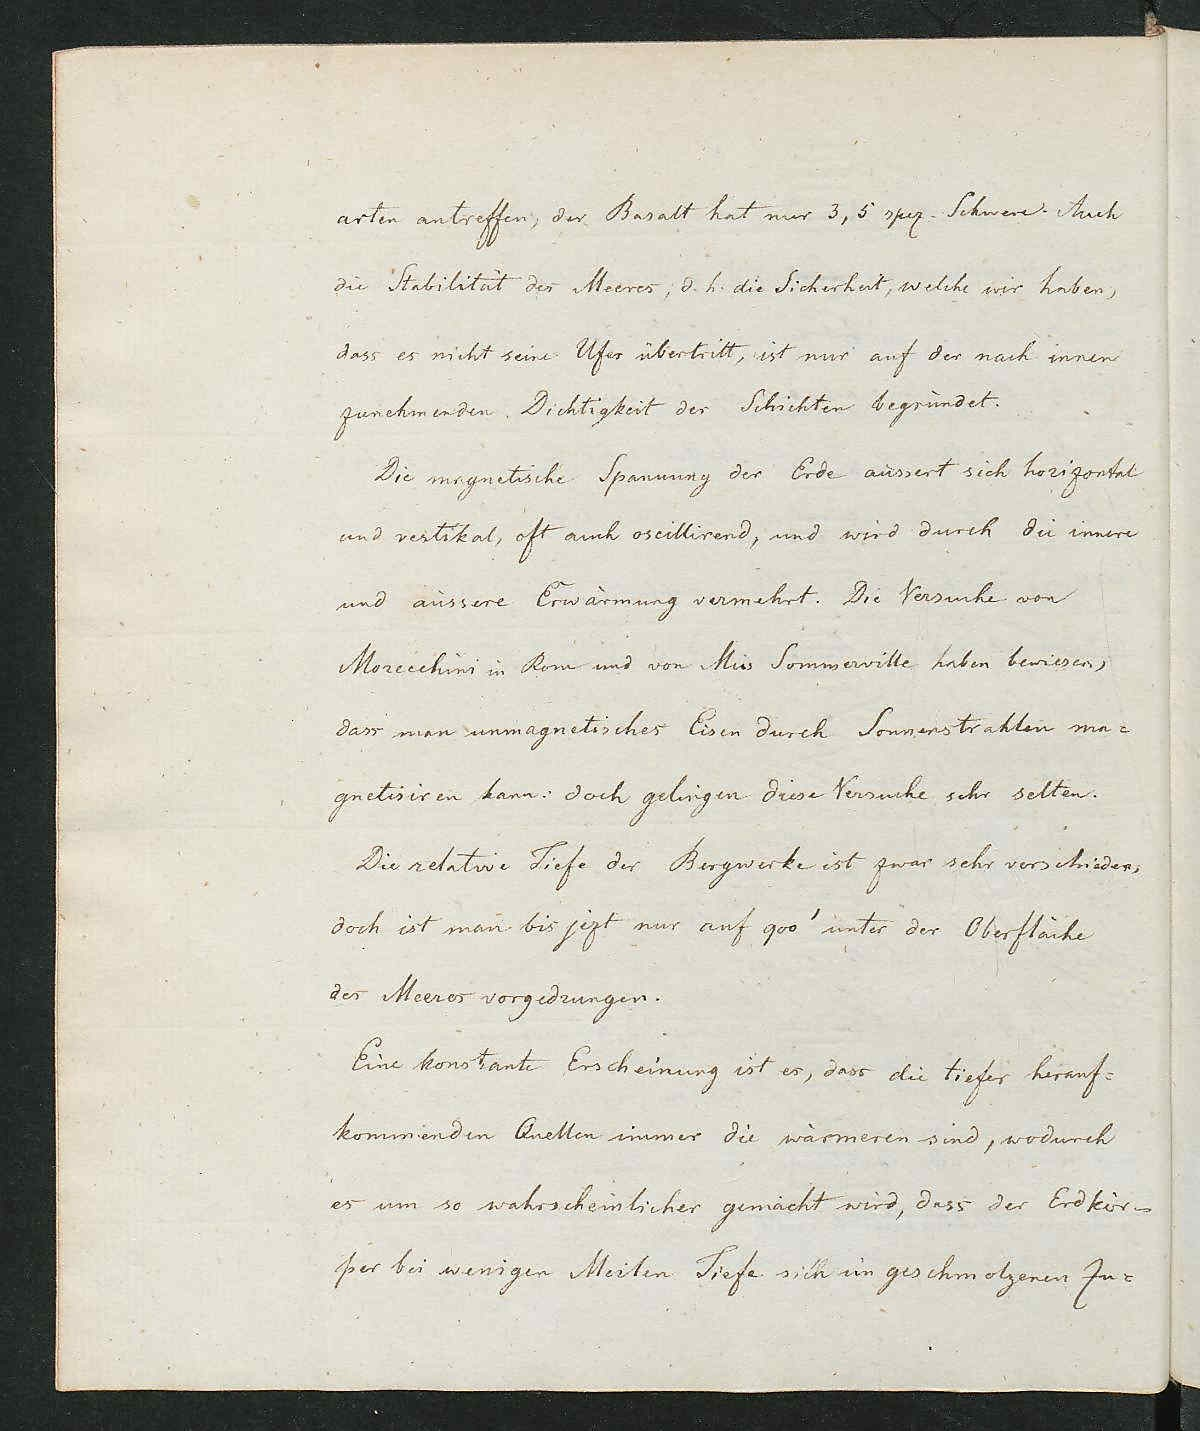arten antreffen, der Basalt hat nur 3,5 spez. Schwere. Auch
die Stabilität des Meeres, d. h. die Sicherheit, welche wir haben,
dass es nicht seine Ufer übertritt, ist nur auf der nach innen
zunehmenden Dichtigkeit der Schichten begründet.
Die magnetische Spannung der Erde äussert sich horizontal
und vertikal, oft auch oscillirend, und wird durch die innere
und äussere Erwärmung vermehrt. Die Versuche von
Morecchini in Rom und von Miss Sommerville haben bewiesen,
dass man unmagnetisches Eisen durch Sonnenstrahlen ma-
gnetisiren kann: doch gelingen diese Versuche sehr selten.
Die relative Tiefe der Bergwerke ist zwar sehr verschieden,
doch ist man bis jezt nur auf 900′ unter der Oberfläche
des Meeres vorgedrungen.
Eine konstante Erscheinung ist es, dass die tiefer herauf-
kommenden Quellen immer die wärmeren sind, wodurch
es um so wahrscheinlicher gemacht wird, dass der Erdkör-
per bei wenigen Meilen Tiefe sich im geschmolzenen Zu-